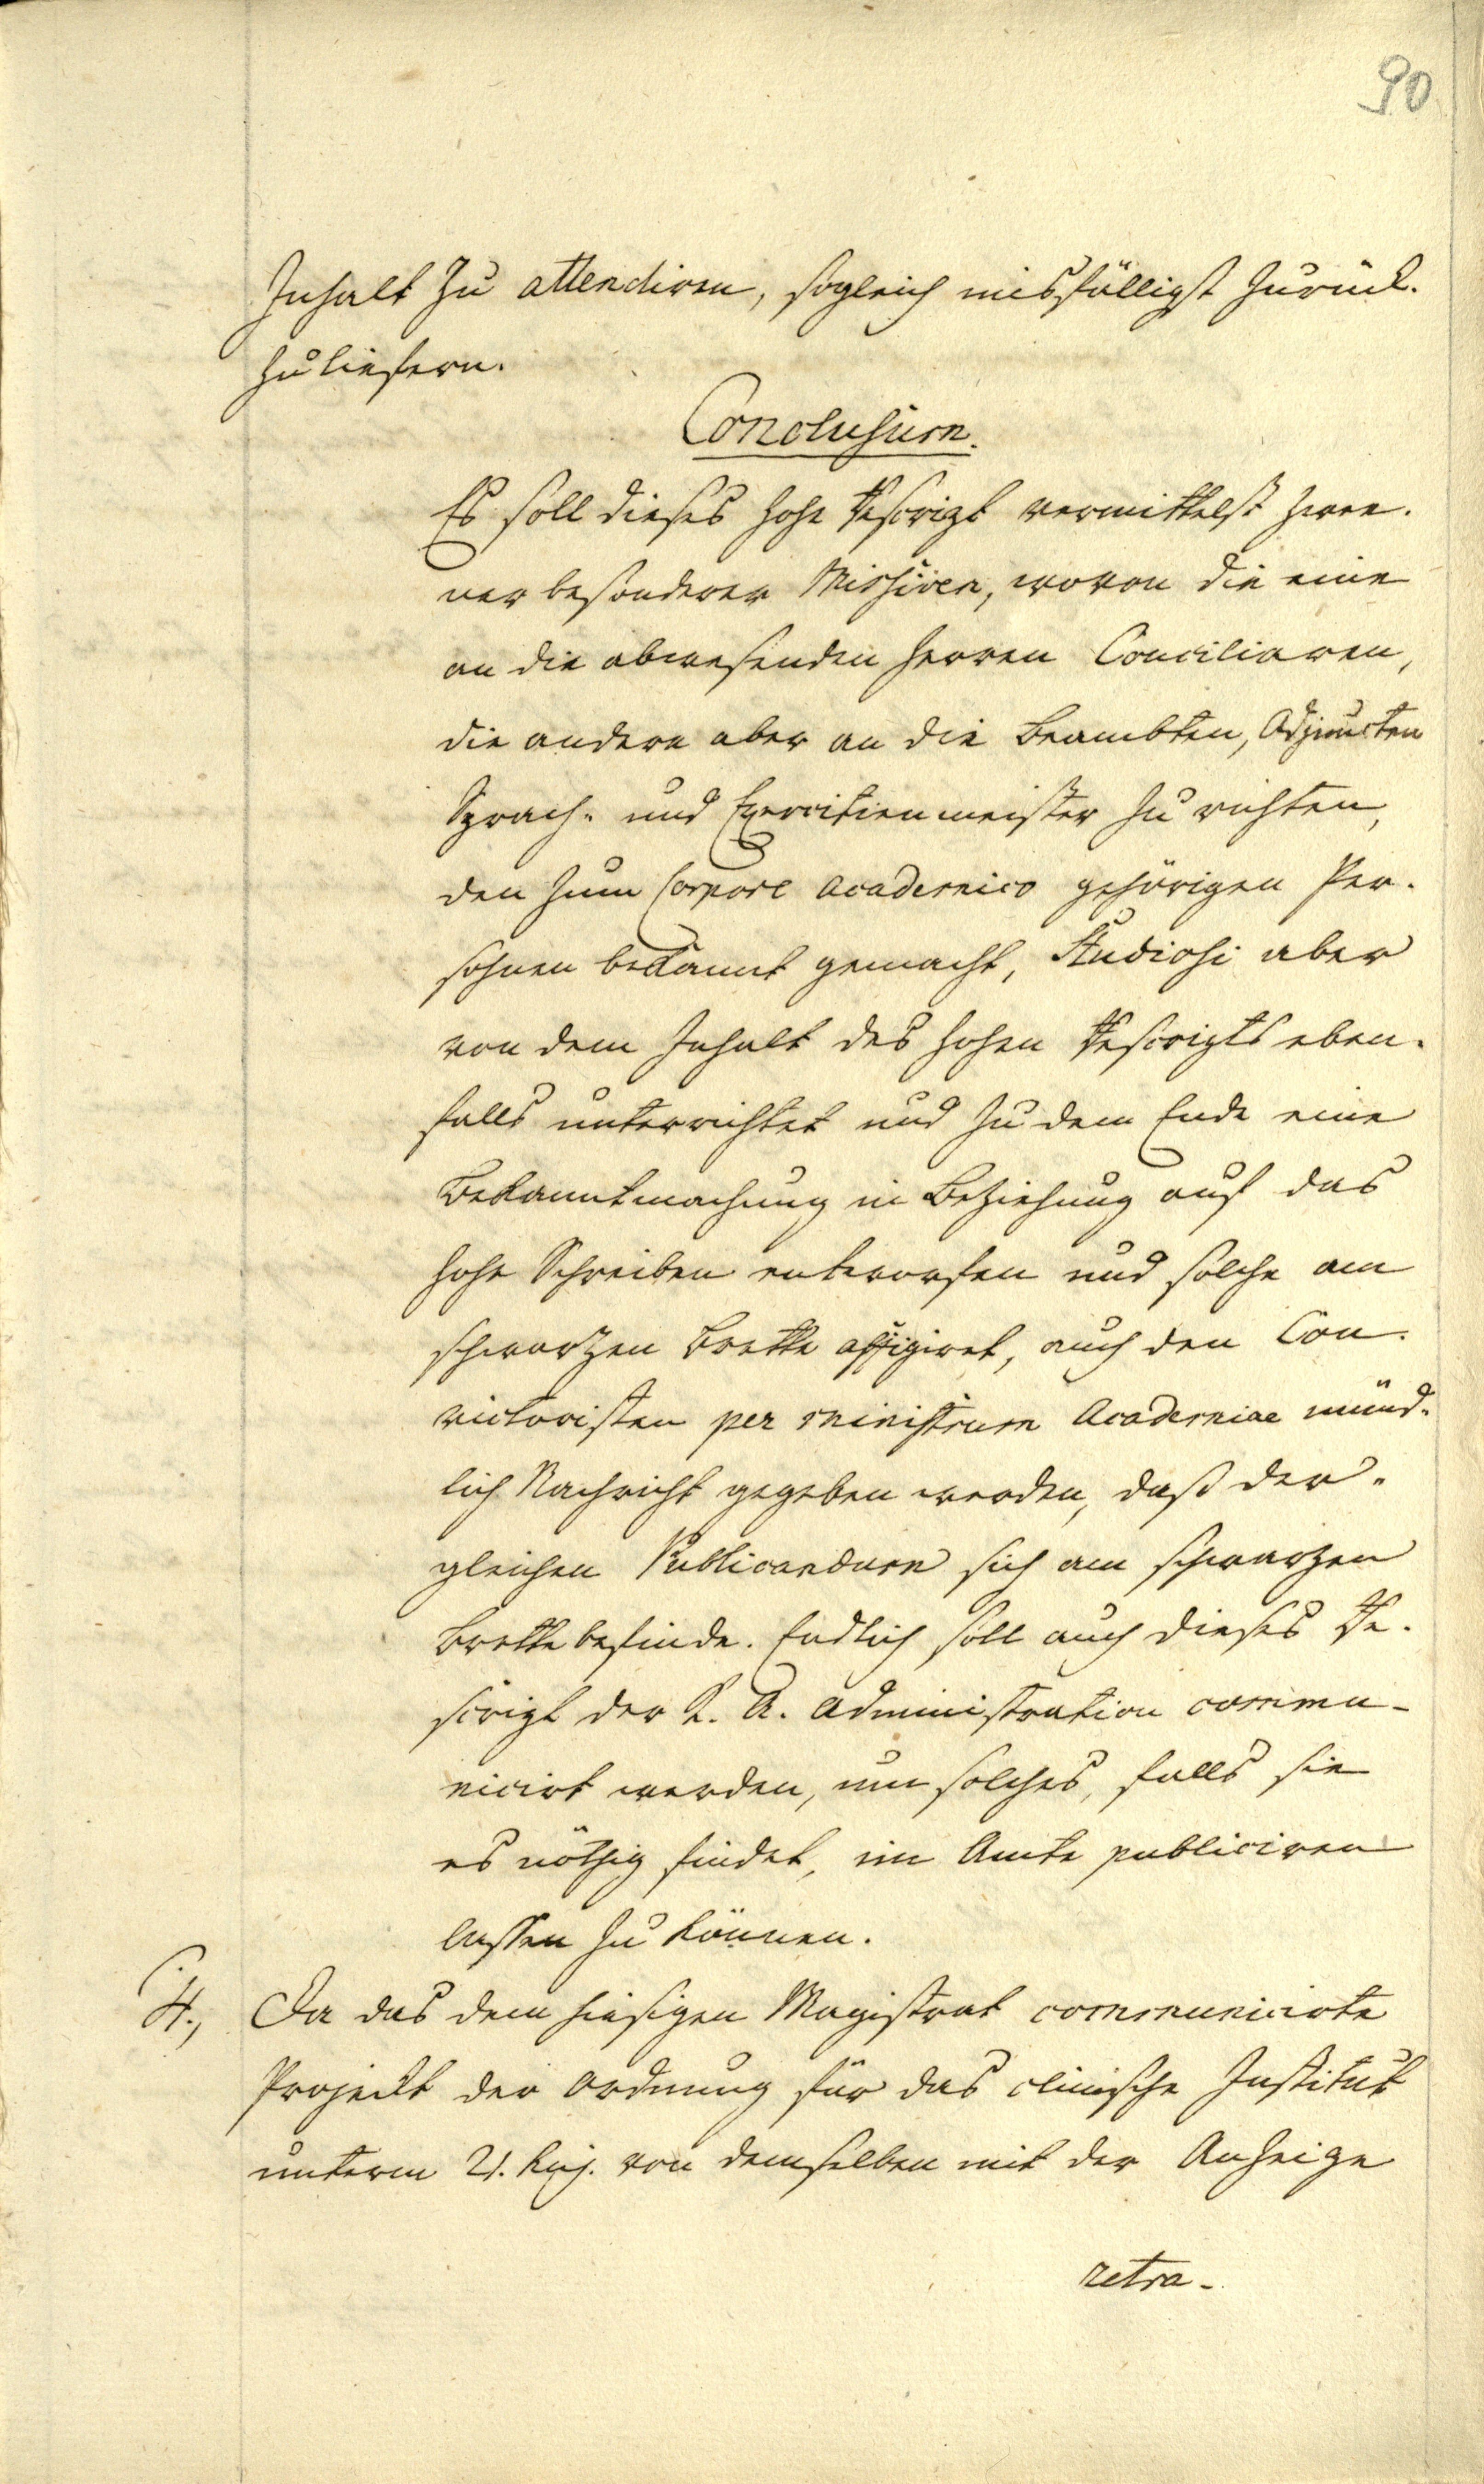Inhalt zu attendiren, sogleich misfälligst zurück¬
zu liefern.
Conclusum.
Es soll dieses hohe Rescript vermittelst zwee¬
ner besonderer Missiven, wovon die eine
an die abwesenden Herren Conciliaren,
die andere aber an die Beambten, Adjuncten
Sprach- und Exercitienmeister zu richten,
den zum Corpore Academico gehörigen Per¬
sohnen bekannt gemacht, Studiosi aber
von dem Jnhalt des hohen Rescripts eben¬
falls unterrichtet und zu dem Ende eine
Bekanntmachung in Beziehung auf das
hohe Schreiben entworfen und solche am
schwarzen Brette affigiret, auch den Con¬
victoristen per ministrum Academiae münd¬
lich Nachricht gegeben werden, daß der¬
gleichen Publicandum sich am schwarzen
Brette befinde. Endlich soll auch dieses Re¬
script der K. A. Administration commu¬
nicirt werden, um solches, falls sie
es nöthig findet, im Amte publiciren
lassen zu können.
4., Da das dem hiesigen Magistrat communicirte
Projeckt der Ordnung für das clinische Institut
unterm 21. huj. von demselben mit der Anzeige
retra-